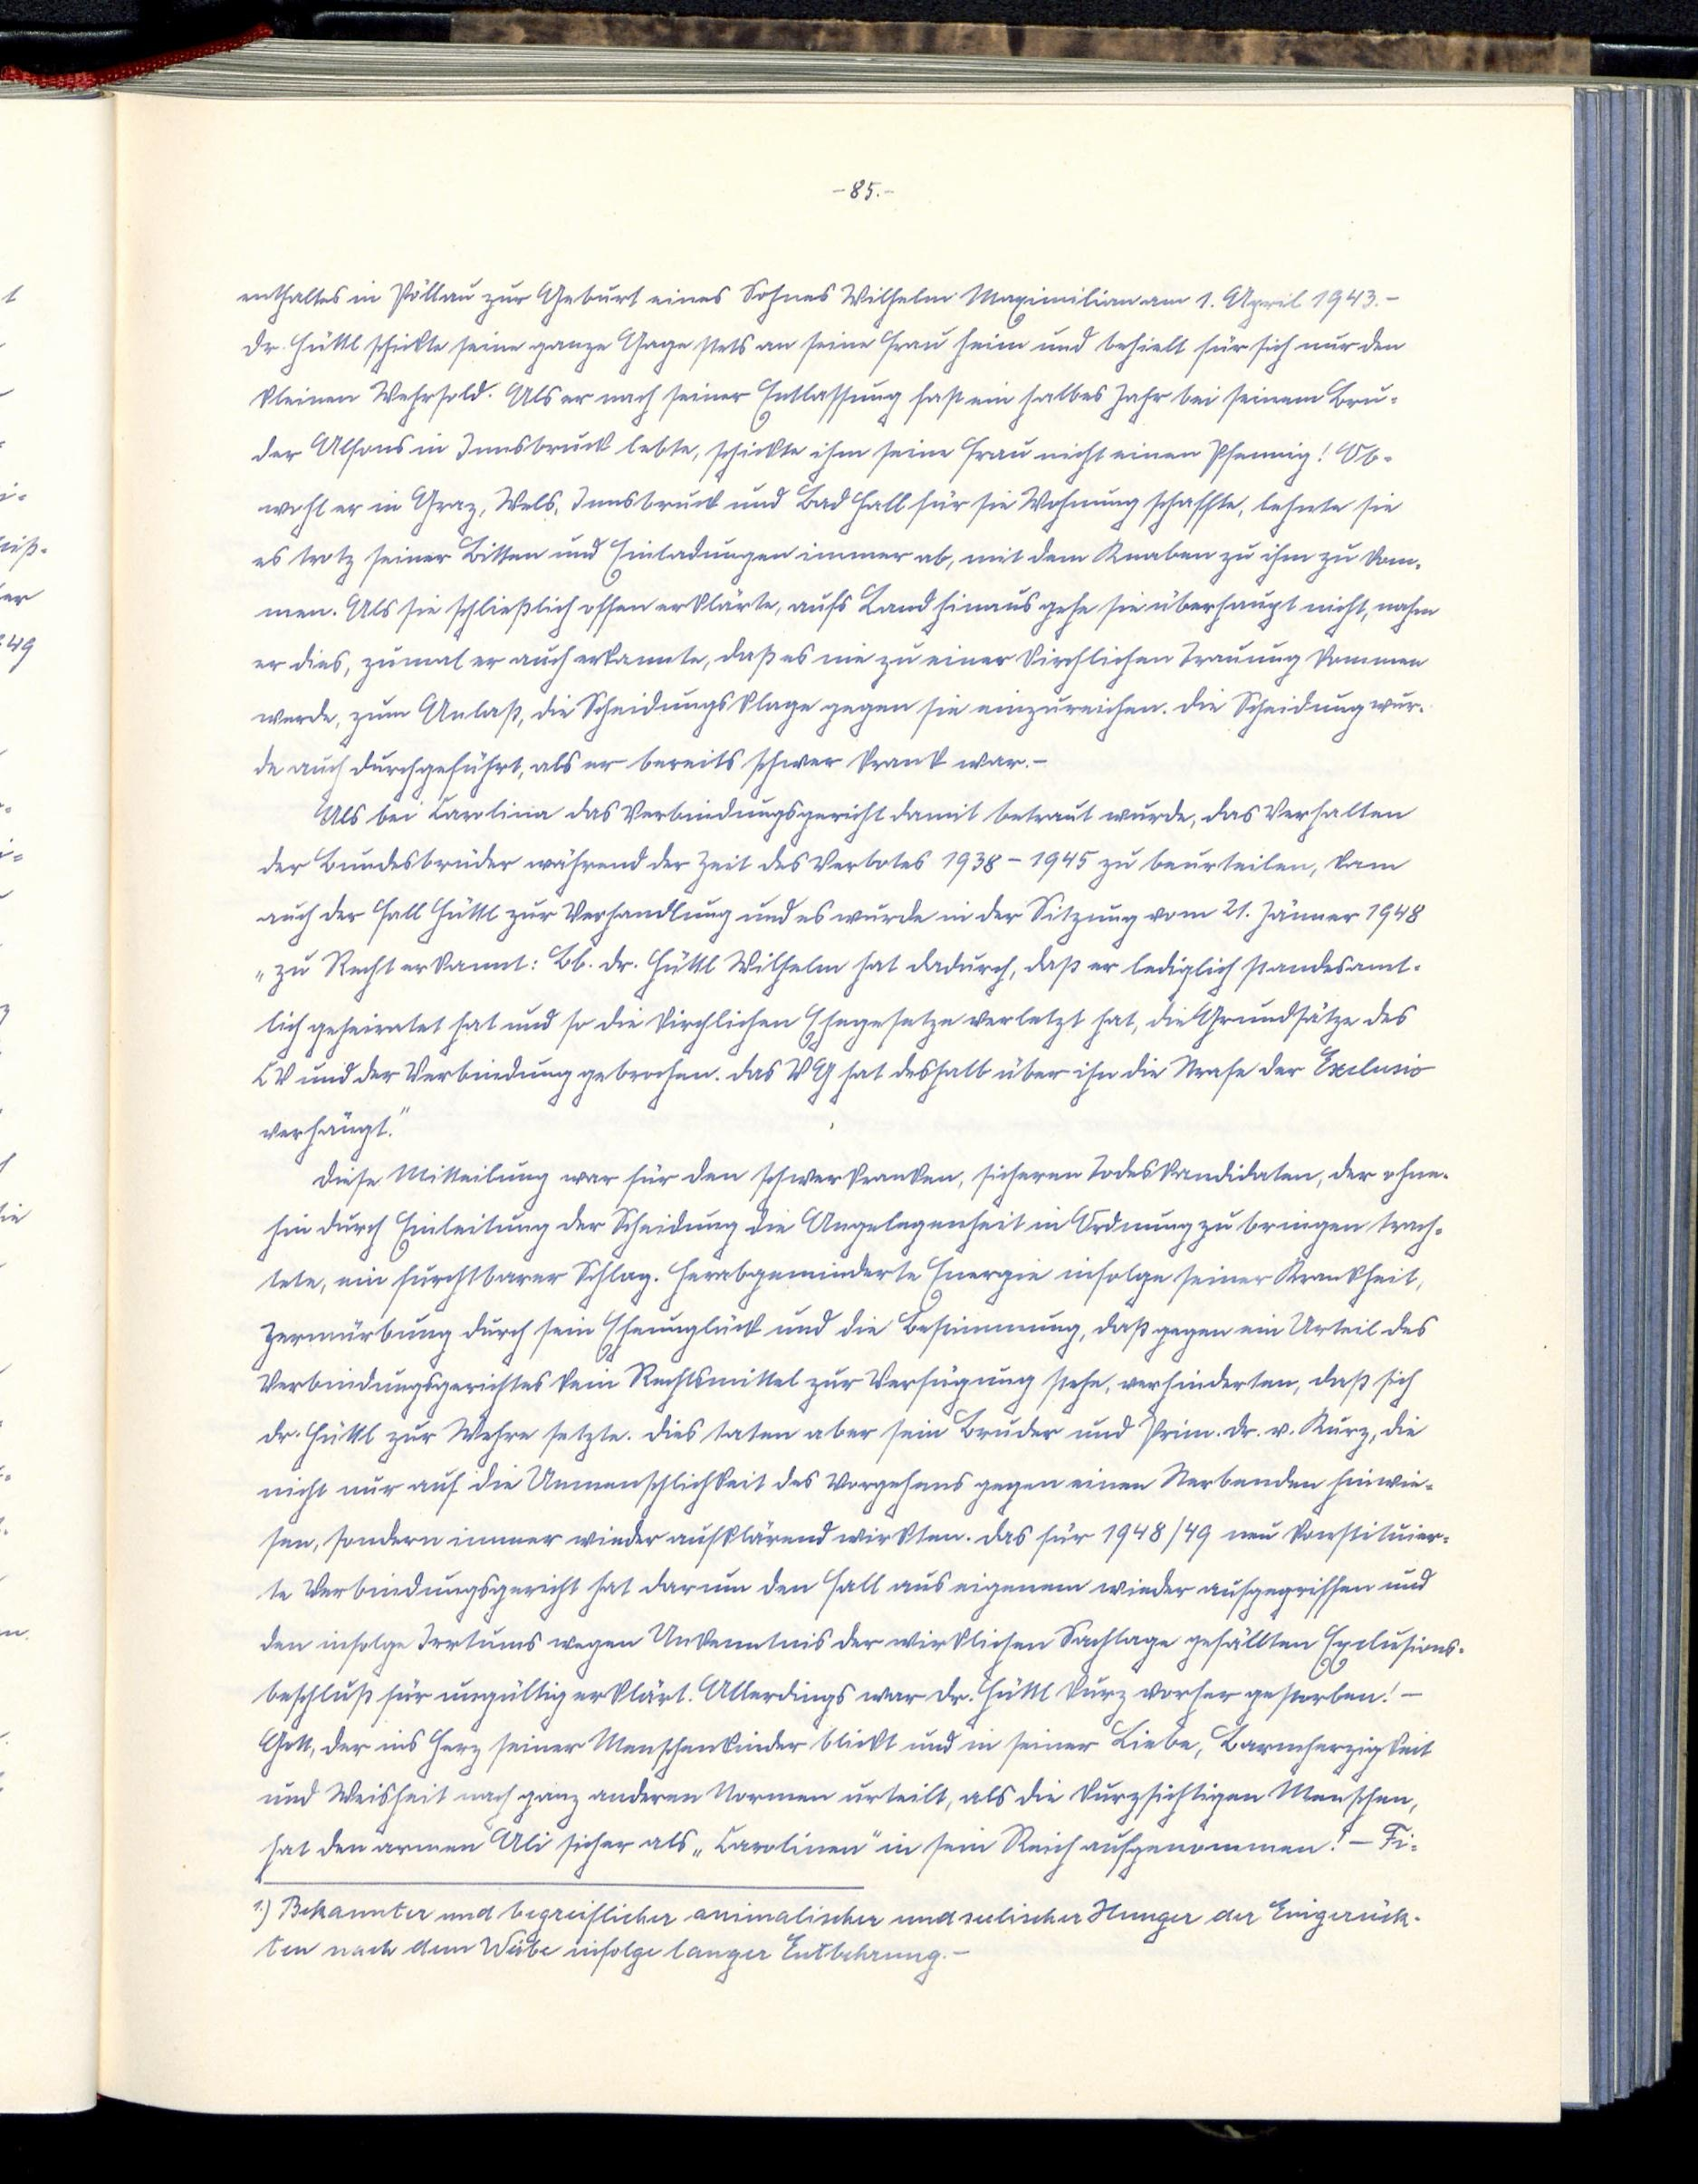85.
enthaltes in Pöllau zur Geburt eines Sohnes Wilhelm Maximilian am 1. April 1943.-
Dr. Hüttl schickte seine ganze Gage stets an seine Frau heim und behielt fürsich nur den
kleinen Wehrsold. Als er nach seiner Entlassung fast ein halbes Jahr bei seinem Bru-
der Alfons in Innsbruck lebte, schickte ihm seine Frau nicht einen Pfennig! Ob-
wohl er in Graz, Wels, Innsbruck und Bad Hall für sie Wohnung schaffte, lehnte sie
es trotz seiner Bitten und Einladungen immer ab, mit dem Knaben zu ihm zu kom-
men. Als sie schließlich offen erklärte, aufs Land hinaus gehe sie überhaupt nicht, nahm
er dies, zumal er auch erkannte, daß es nie zu einer kirchlichen Trauung kommen
werde, zum Anlasß die Scheidungsklage gegen sie einzureichen. Die Scheidung wur-
de auch durchgeführt, als er bereits schwer krank war.-
Als bei Carolina das Verbindungsgericht damit betraut wurde, das Verhalten
der Bundesbrüder während der Zeit des Verbotes 1938-1945 zu beurteilen, kam
auch der Fall Hüttl zur Verhandlung und es wurde in der Sitzung vom 21. Jänner1948
- zu Recht erkannt: Bb. Dr. Hüttl Wilhelm hat dadurch, dass er lediglich standesamt-
lich geheiratet hat und so die kirchlichen Ehegesetze verletzt hat, die Grundsätze des
CV und der Verbindung gebrochen. Das VG hat deshalb über ihn die Strafe der Exclusio
verhängt."
Diese Mitteilung war für den schwerkranken, sicheren Todeskandidaten, der ohne-
hin durch Einleitung der Scheidung die Angelegenheit in Ordnung zu bringen trach-
tete, ein furchtbarer Schlag. Herabgeminderte Energie infolge seiner Krankheit,
Zermürbung durch sein Eheunglück und die Bestimmung, daß gegen ein Urteil des
Verbindungsgerichtes keim Rechtsmittel zur Verfügung stehe, verhinderten, daß sich
Dr. Hüttl zur Wehre setzte. Dies taten aber sein Bruder und Prim Dr. v. Kurz, die
nicht nur auf die Unmenschlichkeit des Vorgehens gegen einen Sterbenden hinwie-
sen, sondern immer winder aufklärend wirkten. Das für 1948/49 neu konstituier-
te Verbindungsgericht hat darum den Fall aus eigenem wieder aufgegriffen und
den infolge Irrtums wegen Unkenntnis der wirklichen Sachlage gefällten Exclusions-
beschluß für ungültig erklärt. Allerdings war Dr. Hüttl kurz vorher gestorben!
Gott, der ins Herz seiner Menschenkinder blickt und in seiner Liebe, Barmherzigkeit
und Weisheit nach ganz anderen Normen urteilt, als die kurzsichtigen Menschen,
hat den armen Ali sicher als "Caroline“ in sein Reich aufgenommen. Fi-
1.) Bekannter und begreiflicher animalischer und seelischer Hunger der Eingerück-
ten nach dem Weibe infolge langer Entbehrung.